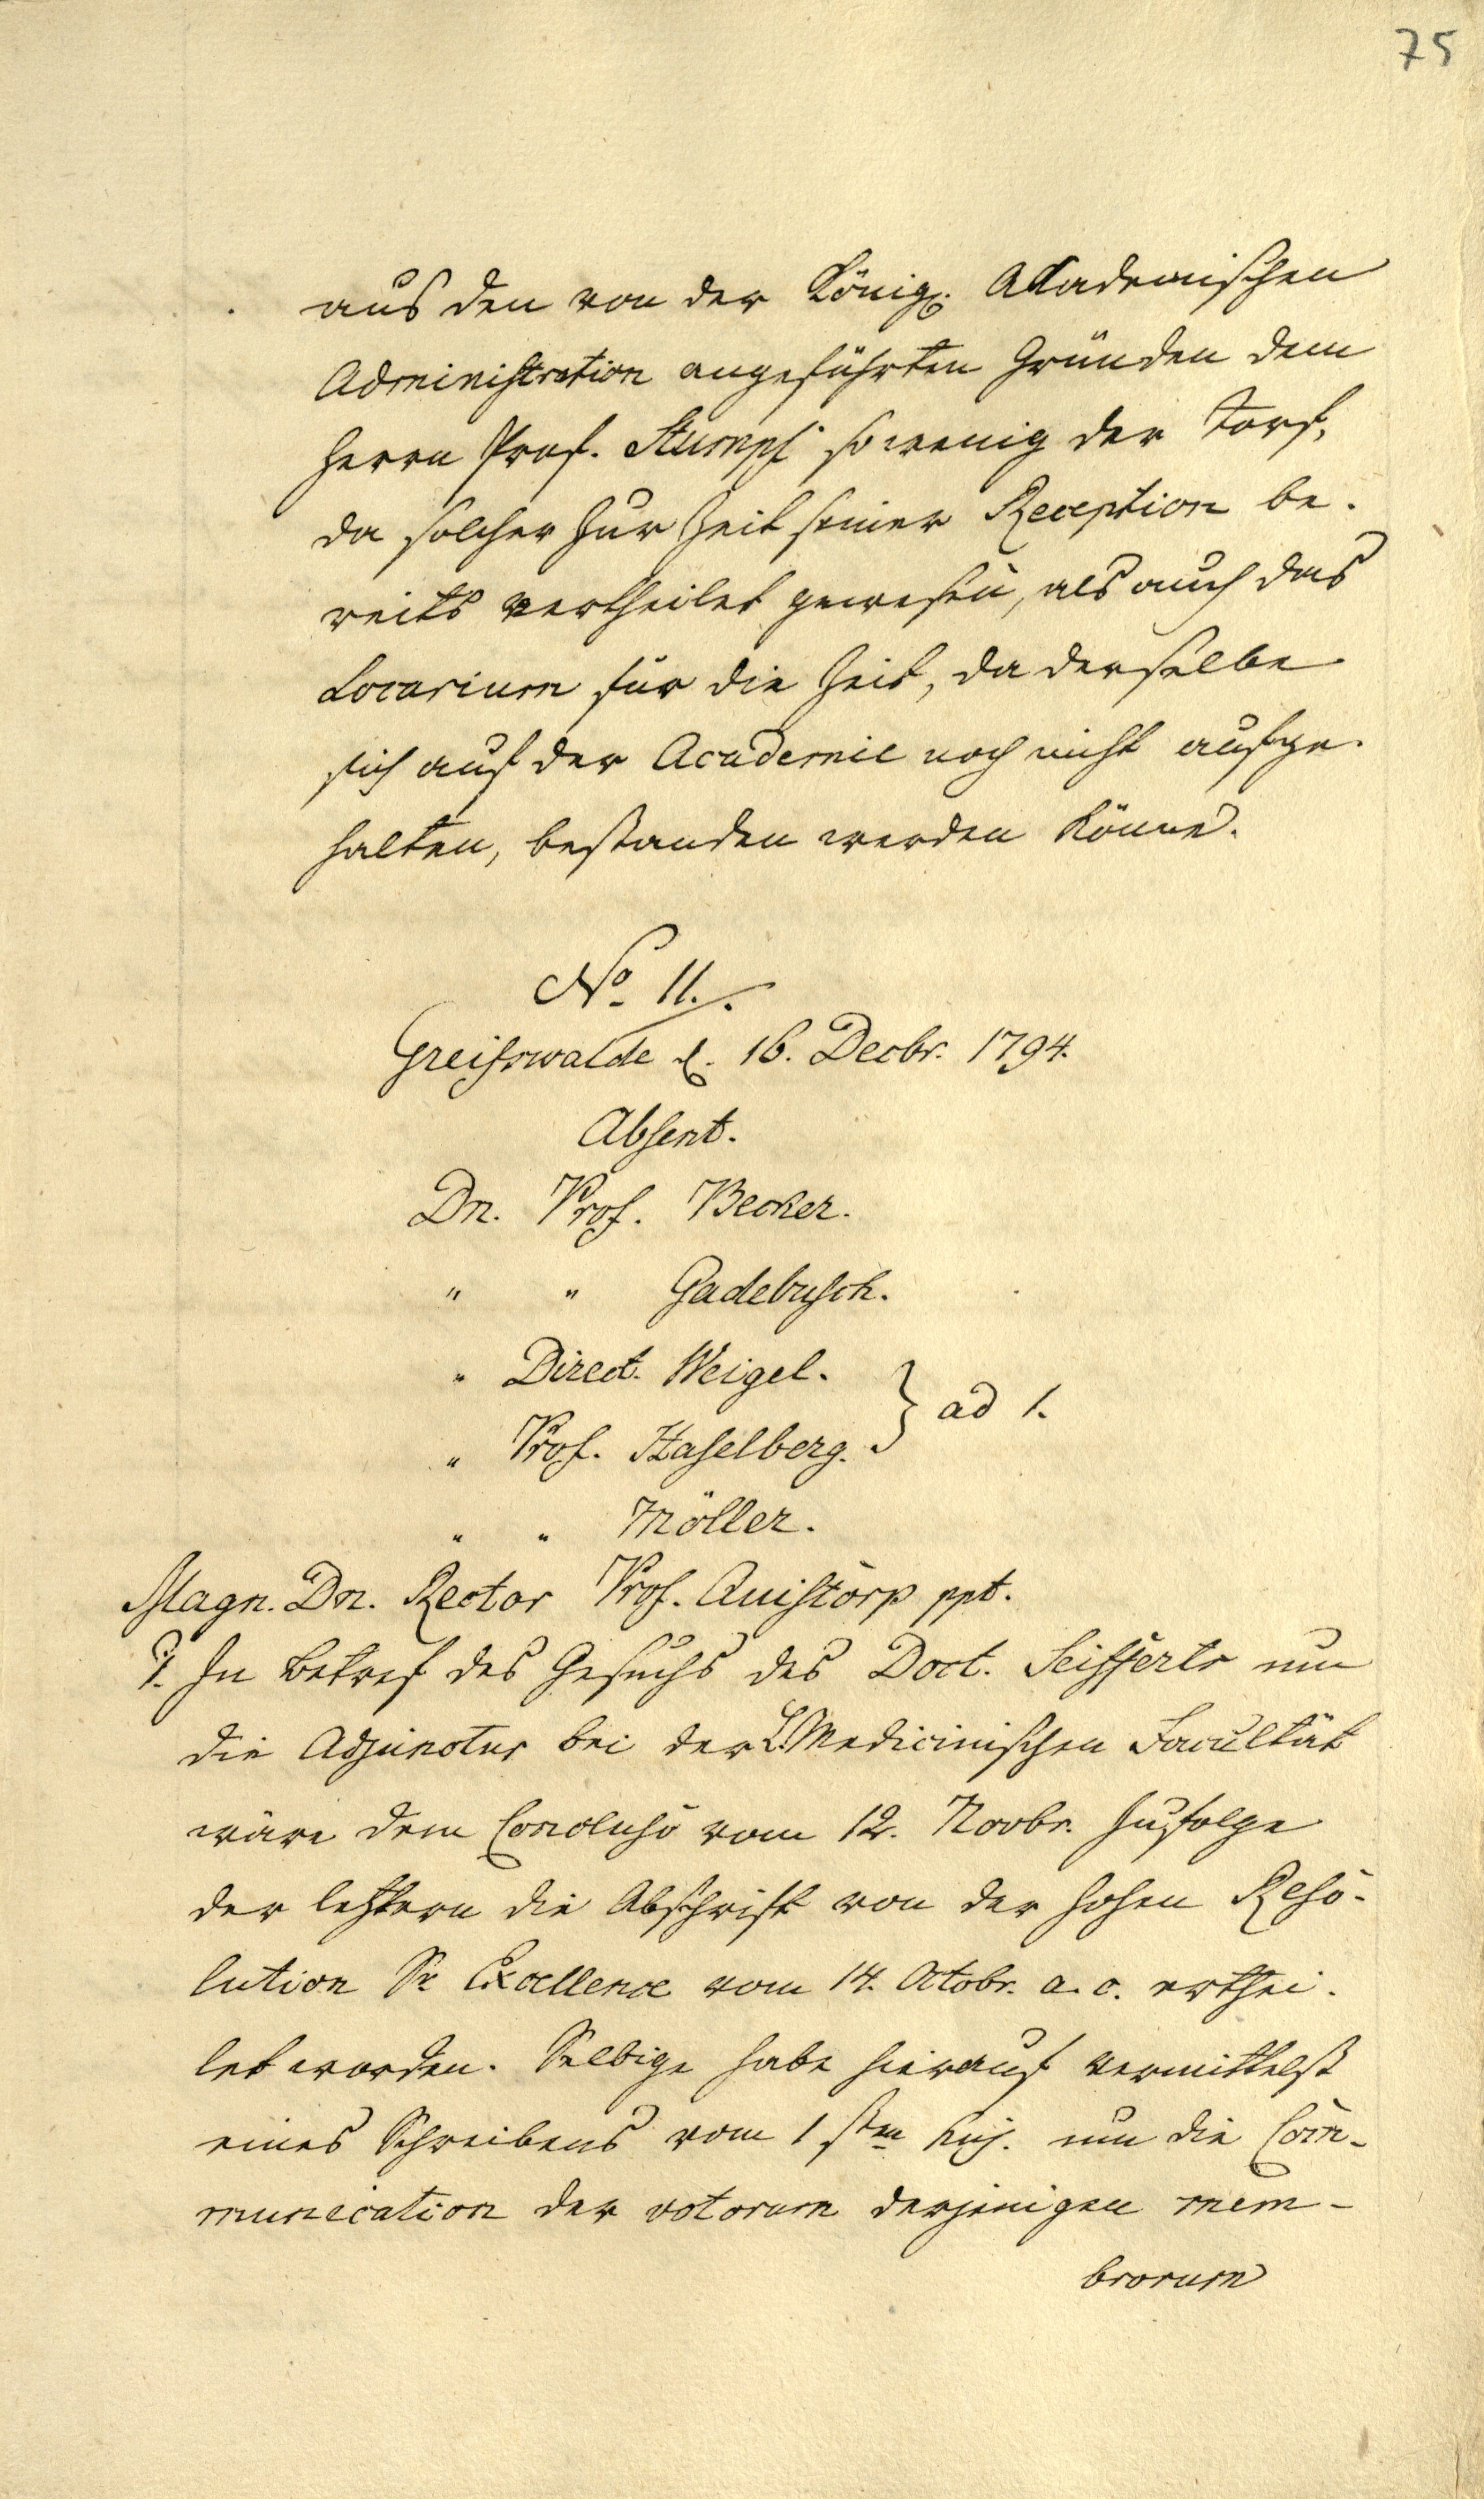aus den von der Königl. Akademischen
Administration angeführten Gründen dem
Herrn Prof. Stumpf so wenig der Torf,
da solcher zur Zeit seiner Reception be¬
reits ertheilet gewesen, als auch das
Locarium für die Zeit, da derselbe
sich auf der Academie noch nicht aufge¬
halten, bestanden werden könne.
No. 11.
Greifswalde d. 16. Decbr. 1794
Absent.
Dn. Prof. Becker.
Gadebusch.
Direct. Weigel. ad 1.
Prof. Haselberg.
Möller.
Magn. Dn. Rector Prof. Quistorp ppt.
1. In Betref des Gesuchs des Doct. Seifferts um
die Adjunctur bei der L. Medicinischen Facultät
wäre dem Concluso vom 12. Novbr. zufolge
der letztern die Abschrift von der hohen Reso¬
lution Sr Excellence vom 14. Octobr. a. c. erthei¬
let worden. Selbige habe hierauf vermittelst
eines Schreibens vom 1 sten huj. um die Com¬
munication der votorum derjenigen mem¬
brorum